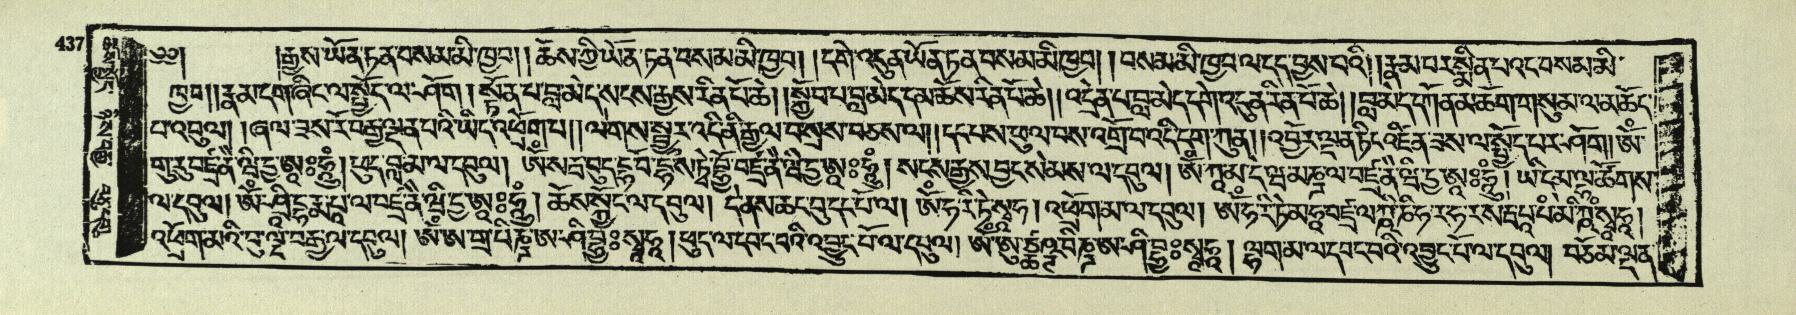༄༅། །རྒྱས་ཡོན་ཏན་བསམ་མི་ཁྱབ། །ཆོས་ཀྱི་ཡོན་ཏན་བསམ་མི་ཁྱབ། །དགེ་འདུན་ཡོན་ཏན་བསམ་མི་ཁྱབ། །བསམ་མི་ཁྱབ་ལ་དད་བྱས་པའི། །རྣམ་པར་སྨིན་པའང་བསམ་མི་
ཁྱབ། །རྣམ་དག་ཞིང་ལ་སྤྱོད་ལ་ཤོག །སྟོན་པ་བླ་མེད་སངས་རྒྱས་རིན་པོ་ཆེ། །སྐྱོབ་པ་བླ་མེད་དམ་ཆོས་རིན་པོ་ཆེ། །འདྲེན་པ་བླ་མེད་དགེ་འདུན་རིན་པོ་ཆེ། །བླ་མེད་དཀོན་མཆོག་གསུམ་ལ་མཆོད་
པ་འབུལ། །ཞལ་ཟས་རོ་བརྒྱ་ལྡན་པའི་ཡིད་འཕྲོག་པ། །ལེགས་སྦྱར་འདི་ནི་རྒྱལ་བ་སྲས་བཅས་ལ། །དད་པས་ཕུལ་བས་འགྲོ་བ་འདི་དག་ཀུན། །འབྱོར་ལྡན་ཏིང་འཛིན་ཟས་ལ་སྤྱོད་པར་ཤོག །ཨོཾ་
གུ་རུ་བཛྲ་ནཻ་ཝིདྱ་ཨཱཿཧཱུཾ། ཕུད་བླ་མ་ལ་དབུལ། ཨོཾ་སརྦ་བུད་དྷ་བོ་དྷྀ་སཏྭེ་བྷྱོ་བཛྲ་ནཻ་ཝིདྱ་ཨཱཿཧཱུཾ། སངས་རྒྱས་བྱང་སེམས་ལ་དབུལ། ཨོཾ་ཀཱ་མ་དེ་ཝ་མཎྜ་ལ་བཛྲ་ནཻ་ཝི་དྱ་ཨཱཿཧཱུཾ་།ཡི་དམ་ལྷ་ཚོགས་
ལ་དབུལ། ཨོཾ་ཤྲཱི་དྷརྨ་པཱ་ལ་བཛྲ་ནཻ་ཝི་དྱ་ཨཱཿཧཱུཾ། ཆོས་སྐྱོང་ལ་དབུལ། དེ་ནས་ཆང་བུ་དང་པོ་ལ། ཨོཾ་ཧ་རི་ཏེ་སྭཱཧ། འཕྲོག་མ་ལ་དབུལ། ཨོཾ་ཧ་རི་ཏེ་མཧཱ་བཛྲ་ལ་ཀྵི་ཎི་ཧ་ར་ཧ་ར་སརྦ་པཱ་པཾ་མི་ཀྵཾ་སྭཱཧཱ།
འཕྲོག་མའི་བུ་ལྔ་བརྒྱ་ལ་དབུལ། ཨོཾ་ཨ་གྲ་པིཎྜ་ཨ་ཤི་བྷྱཿསྭཱཧཱ། ཕུད་ལ་དབང་བའི་འབྱུང་པོ་ལ་དབུལ། ཨོཾ་ཨུ་ཙྖ་ཥྚ་བིཎྜ་ཨ་ཤི་བྷྱཿསྭཱཧཱ། ལྷག་མ་ལ་དབང་བའི་འབྱུང་པོ་ལ་དབུལ། བཅོམ་ལྡན་